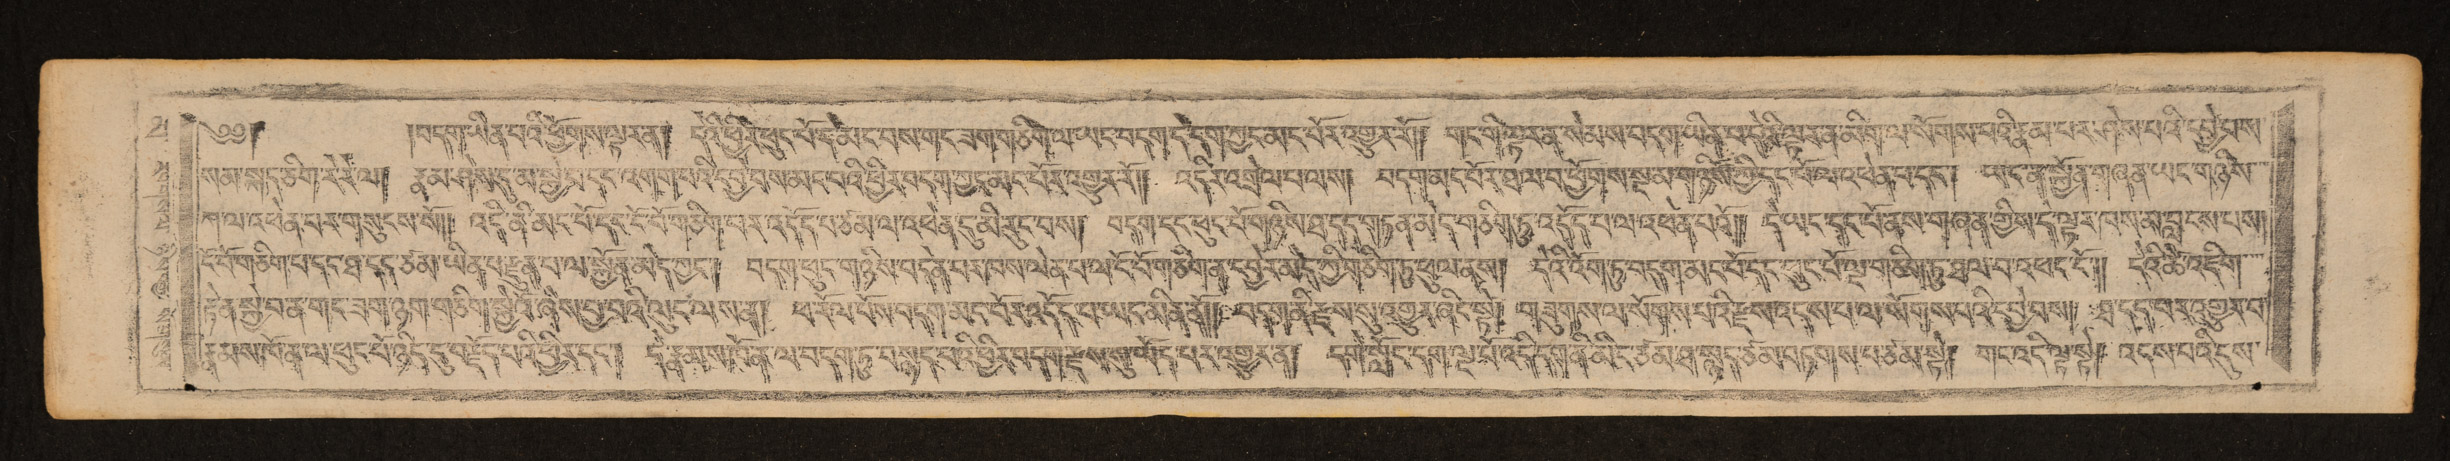༄༅། །བདག་ཡིན་པའི་ཕྱོགས་ལྟར་ན། དེའི་ཕྱིར་ཕུང་པོ་དེ་མང་བས་གང་ཟག་གཅིག་ལ་ཡང་བདག་དེ་དག་ཀྱང་མང་པོར་འགྱུར་རོ།། གང་གི་ལྟར་ན་སེམས་བདག་ཡིན་པ་དེའི་ལྟར་ན་མིག་ལ་སོགས་པའི་རྣམ་པར་ཤེས་པའི་དབྱེ་བས་
སམ་སྐད་ཅིག་རེ་རེ་ལ། རྣམ་ཤེས་དུ་མ་སྐྱེ་བ་དང་གག་པའི་དབྱེ་བས་མང་བའི་ཕྱིར་བདག་ཀྱང་མང་པོར་འགྱུར་རོ།། འདིར་འགྲེལ་པ་ལས། བདག་མང་པོར་ཐལ་བ་ཕྱོགས་སྔ་མ་གཉིས་ཀྱི་དང་པོ་ལ་འཕེན་པ་དང་། ཡང་ན་སྐྱོན་གཞན་ཡང་གཉིས་
ཀ་ལ་འཕེན་པར་གསུངས་སོ།། འདི་ནི་མང་པོ་དང་ངོ་བོ་གཅིག་པར་འདོད་པ་ཙམ་ལ་འཕེན་དུ་མི་རུང་བས། བདག་དང་ཕུང་པོ་གཉིས་ཐ་དད་གཏན་མེད་གཅིག་ཏུ་འདོད་པ་ལ་འཕེན་པའོ།། དེ་ཡང་དང་པོ་ནས་གཞན་གྱིས་དེ་ལྟར་ཁས་མ་བླངས་པས།
ངོ་བོ་གཅིག་པ་དང་ཐ་དད་ཙམ་ཡིན་པ་བརྫུན་པ་ལ་སྐྱོན་མེད་ཀྱང་། བདག་ཕུང་གཉིས་བདེན་པར་ཁས་ལེན་པ་ལ་ངོ་བོ་གཅིག་ན་དབྱེར་མེད་ཀྱི་གཅིག་ཏུ་ཕུལ་ནས། དེའི་འོག་ཏུ་བདག་མང་པོ་དང་ཕུང་པོ་ལྔ་གཅིག་ཏུ་ཐལ་བ་འཕང་ངོ།། དེའི་ཚེ་འཇིག་
རྟེན་སྐྱེ་བ་ན་གང་ཟག་ཉག་གཅིག་སྐྱེའོ་ཞེས་བྱ་བའི་ལུང་ལས་ནི། ཕ་རོལ་པོས་བདག་མང་པོར་འདོད་པ་ཡང་མིན་ནོ།། བདག་ནི་རྫས་སུ་འགྱུར་ཞིང་སྟེ། གཟུགས་ལ་སོགས་པའི་རྫས་འདས་པ་ལ་སོགས་པའི་དབྱེ་བས། ཐ་དད་པར་འགྱུར་བ་
རྣམས་ཁོ་ན་ལ་ཕུང་པོ་ཉིད་དུ་བརྗོད་པའི་ཕྱིར་དང་། དེ་རྣམས་ཁོ་ན་ལ་བདག་ཏུ་བསྙད་པའི་ཕྱིར་བདག་རྫས་སུ་ཡོད་པར་འགྱུར་ན། དགེ་སློང་དག་ལྔ་པོ་འདི་དག་ནི་མིང་ཙམ་ཐ་སྙད་ཙམ་བཏགས་པ་ཙམ་སྟེ། གང་འདི་ལྟ་སྟེ། འདས་པའི་དུས་